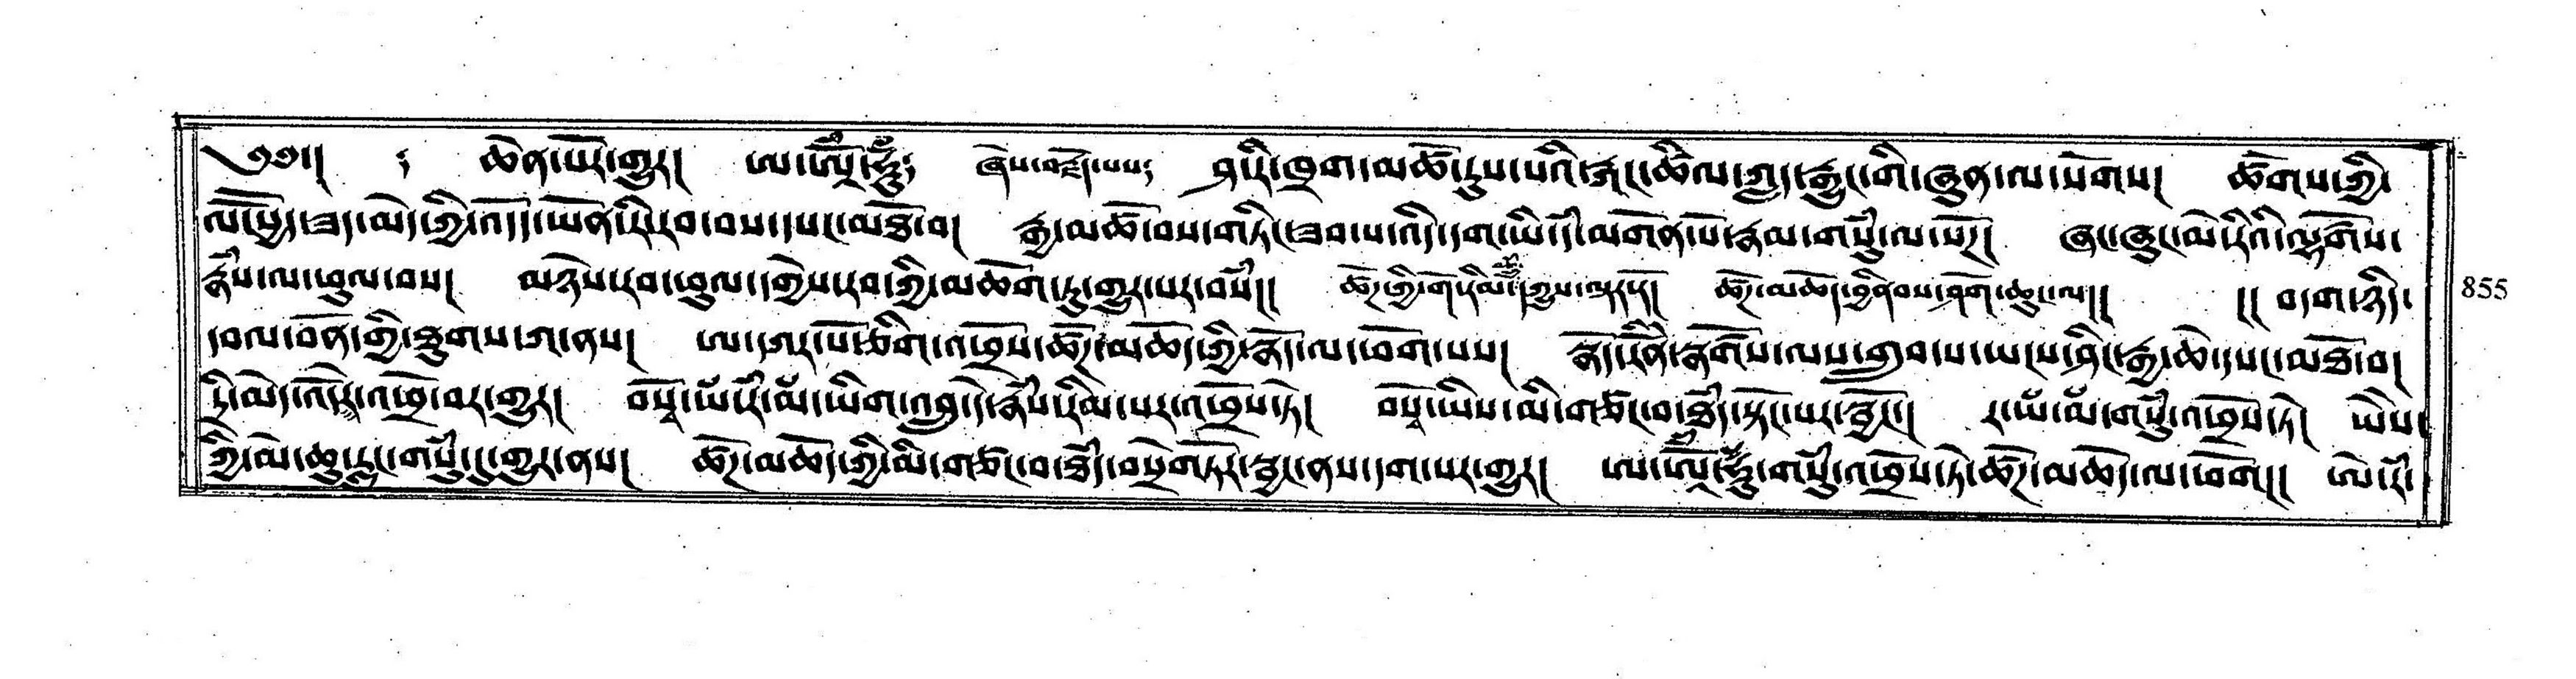ཆེན་པོར་གྱུར། ཨ་ཨཱོཾ་ཧཱུྃ། ཞེས་བརྗོད་པས། ཤ་རི་ཁྲག་མཚོ་རུས་པའི་རྐང་ཚིལ་ཀླད་རྒྱུང་གི་ཞུན་ལ་སོགས། ཚོགས་ཀྱི་
ལོངས་སྤྱོད་ཟད་མེད་ཀྱི་འདོད་ཡོན་རི་རབ་བས་དཔང་མཐོ་བ། རྒྱ་མཚོ་བས་གཏིང་ཟབ་པ་འདི་དག་ཡི་དམ་མགོན་པོ་རྣམ་གསུམ་ལ་སོགས། ཞང་ཞུང་མེ་རིའི་ལྷ་ཚོགས་
རྣམས་ལ་ཕུལ་བས། མཉེས་རབ་ཕུལ་དགྱེས་རབ་ཀྱི་མཆོག་ཏུ་གྱུར་པར་བསམ།། ཚོགས་ཀྱི་གོ་རིམ་བཅུ་གསུམ་དཀྱུས་ལྟར་རོ། ཚོགས་མཆོད་བྱིན་རླབས་ཤོག་ཆུང་ལ།། །།བདག་ཉིད་
དབལ་བོན་གྱི་ཐུགས་ཀ་ནས། ཨ་དཀར་པོ་ཅིག་འཕྲོས་ཚོགས་མཆོད་ཀྱི་སྣོད་ལ་ཕོག་པས། སྣོད་རིན་པོ་ཆེ་སྣ་ཚོགས་ལས་གྲུབ་པ་ཡངས་ཤིང་རྒྱ་ཆེ་དཔང་མཐོ་བ། 
དྲི་མེད་འོད་ཟེར་འཕྲོ་བར་གྱུར། བསྭོ་ཡཾ་རཾ་མཾ་ཡིག་འབྲུ་དེ་རྣམས་རིམ་པར་འཕྲོས་ཏེ། བསྭོ་ཡིས་མི་གཙང་བ་ཐམས་ཅད་སྟོང་པར་སྦྱོང་། རཾ་ཡཾ་མཾ་གསུམ་འཕྲོས་ཏེ། ཡེ་ཤེས་
ཀྱི་མེ་ཆུ་རླུང་གསུམ་དུ་གྱུར་ནས། ཚོགས་མཆོད་ཀྱི་མི་གཙང་བ་ཐམས་ཅད་བསྲེག་གཏོར་སྦྱང་ནས་དག་པར་གྱུར། ཨ་ཨཱོཾ་ཧཱུྃ་གསུམ་འཕྲོས་ཏེ་ཚོགས་མཆོད་ལ་ཕོག ཨེ་རཾ་